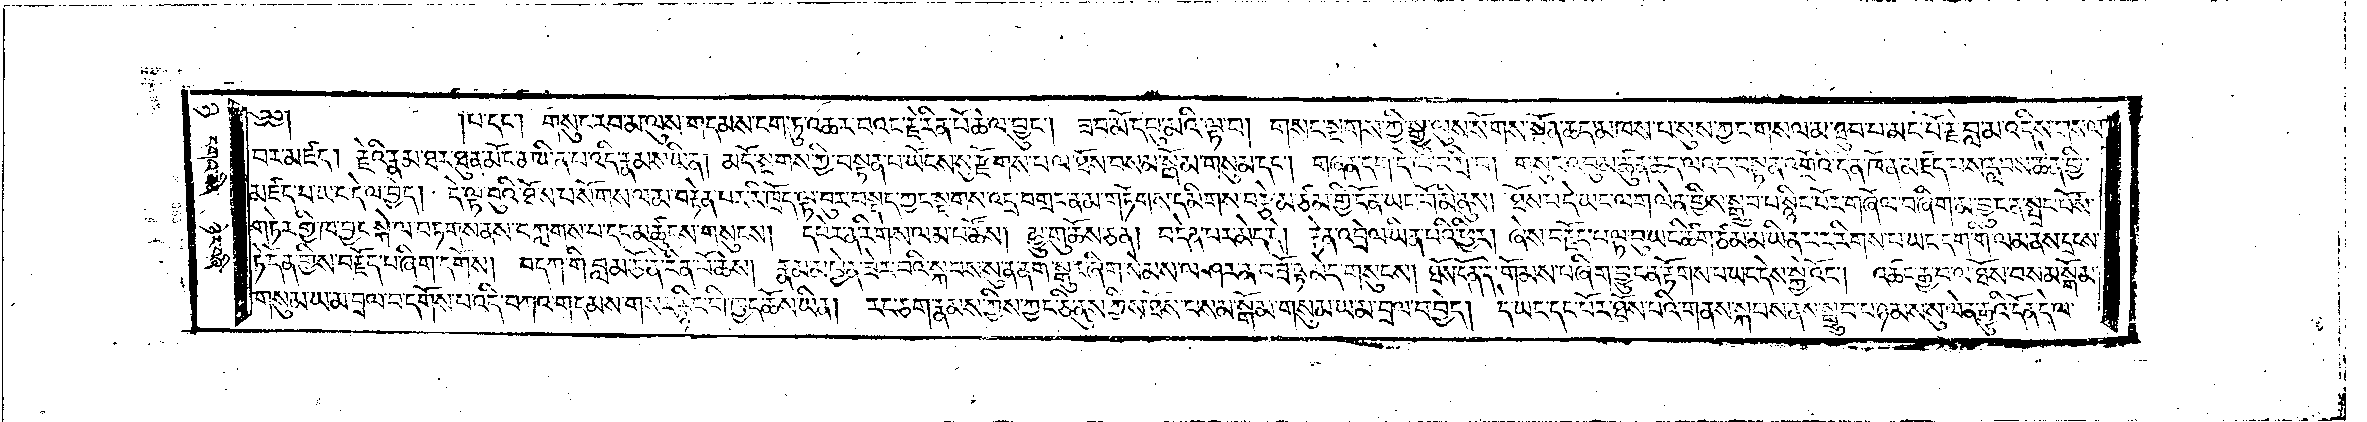༄༅། །པ་དང་། གསུང་རབ་མ་ལུས་གདམས་ངག་ཏུ་འཆར་བའང་རྗེ་རིན་པོ་ཆེ་ལ་བྱུང་། ཟབ་མོ་དབུ་མའི་ལྟ་བ། གསང་སྔགས་ཀྱི་སྒྱུ་ལུས་སོགས་སྔོན་ཆད་མཁས་པ་སུས་ཀྱང་གསལ་མ་ཐུབ་པ་མང་པོ་རྗེ་བླ་མ་འདིས་གསལ་
བར་མཛད། རྗེའི་རྣམ་ཐར་ཐུན་མོང་མ་ཡིན་པ་འདི་རྣམས་ཡིན། མདོ་སྔགས་ཀྱི་བསྟན་པ་ཡོངས་སུ་རྫོགས་པ་ལ་ཐོས་བསམ་སྒོམ་གསུམ་དང་། གཞན་དག་དེ་ལ་བཀྲི་བ། གསུང་འབུམ་ཚུན་ཆད་ལའང་བསྟན་འགྲོའི་དོན་ཁོ་ན་མཛད་པས་རླབས་ཆེན་གྱི་
མཛད་པ་ཡང་དེ་ལ་བྱེད། དེ་ལྟ་བུའི་ཐོས་པ་སོགས་ལམ་བརྟེན་པར་རི་ཁྲོད་ལྟ་བུར་བསྡད་ཀྱང་སྔགས་འདྲ་བགྲང་ན་མ་གཏོགས་དམིགས་བརྩེ་མ་ཙམ་གྱི་དོན་ཡང་གོ་མི་ནུས། ཐོས་པ་དེ་ཡང་ལག་ལེན་གྱིས་སྒྲུབ་པ་སྙིང་པོར་གཞོལ་བ་ཞིག་མ་བྱུང་ན་སྤྲང་པོས་
གཏེར་གྱི་ཁ་བྱང་སྐེལ་བཏགས་ནས་བཀླགས་པ་དང་མཚུངས་གསུངས། དཔེར་ན་རིགས་ལམ་པ་ཚོས། མྱུ་གུ་ཆོས་ཅན། བདེན་པར་མེད་དེ། རྟེན་འབྲེལ་ཡིན་པའི་ཕྱིར། ཞེས་བརྗོད་པ་ལྟ་བུ་ཡང་ཚིག་ཙམ་མ་ཡིན་པར་རིགས་པ་ཡང་དག་གི་ལམ་ནས་དྲངས་
ཏེ་དོན་གྱིས་བརྗོད་པ་ཞིག་དགོས། བདག་གི་བླ་མ་ཅོ་ནེ་རིན་པོ་ཆེས། རྣམ་མཁྱེན་ཟེར་བའི་སྐབས་སུ་ན་ནག་སྒུར་ཞིག་སེམས་ལ་ཤར་ན་བཟོ་ལྟ་མེད་གསུངས། ཐོས་དོན་དེ་གོམས་པ་ཞིག་བྱུང་ན་རྟོགས་པ་ཡང་དེས་སྐེ་འོང་། འཚང་རྒྱ་བ་ལ་ཐོས་བསམ་སྒོམ་
གསུམ་ཡ་མ་བྲལ་བ་དགོས་པ་འདི་བཀའ་གདམས་གསར་རྙིང་གི་ཁྱད་ཆོས་ཡིན། རང་ཅག་རྣམས་ཀྱིས་ཀྱང་ཅི་ནུས་ཀྱིས་ཐོས་བསམ་སྒོམ་གསུམ་ཡམ་བྲལ་བ་བྱེད། དེ་ཡང་དང་པོར་ཐོས་པའི་གནས་སྐབས་ནས་སྒྲུབ་པ་ཉམས་སུ་ལེན་རྒྱུའི་དོན་དེ་ལ་